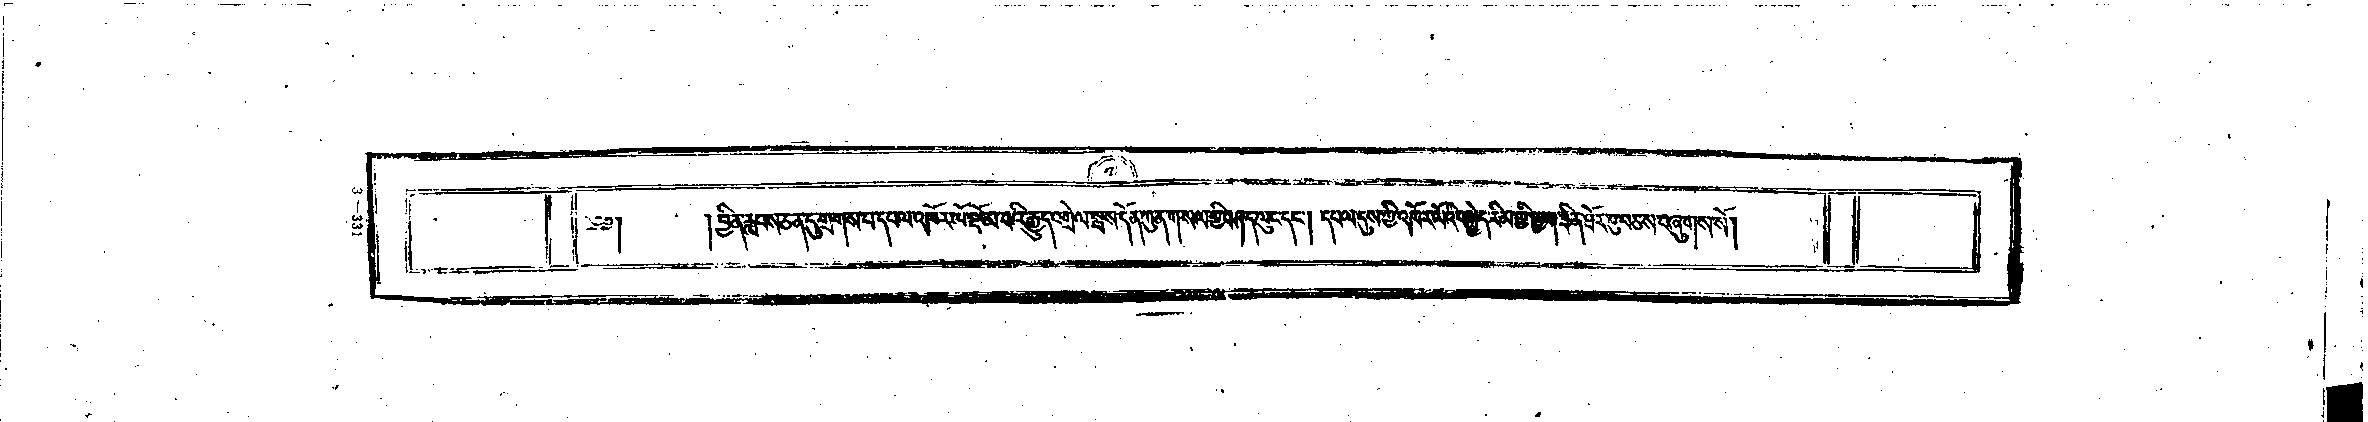།བྱིན་རླབས་ཅན་དུ་གྲགས་པ་དཔལ་འཁོར་ལོ་སྡོམ་པའི་རྒྱུད་འགྲེལ་སྦས་དོན་ཀུན་གསལ་གྱི་བཤད་ལུང་དང་། དཔལ་དུས་ཀྱི་འཁོར་ལོའི་བསྐྱེད་རིམ་གྱི་ཕྱག་ཟིན་ཐོར་བུ་བཅས་བཞུགས་སོ། །